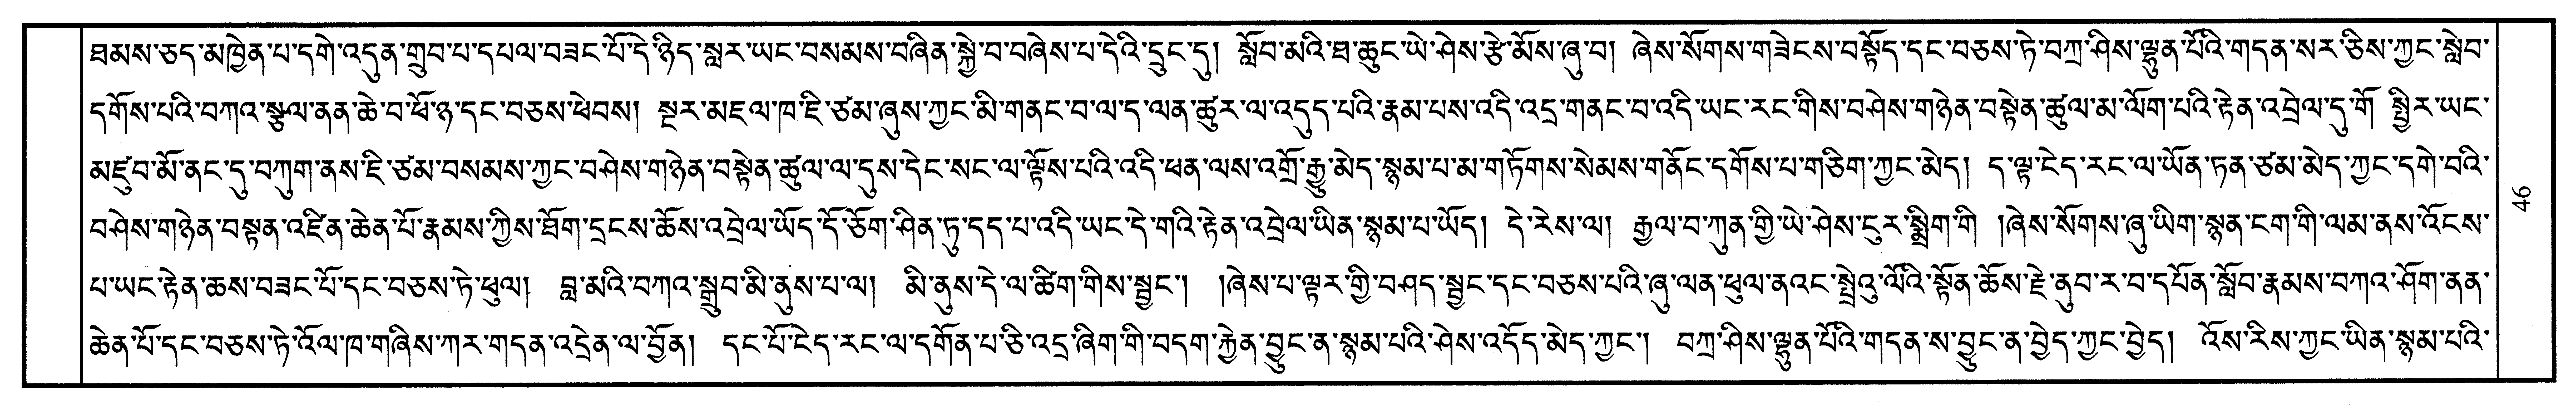ཐམས་ཅད་མཁྱེན་པ་དགེ་འདུན་གྲུབ་པ་དཔལ་བཟང་པོ་དེ་ཉིད་སླར་ཡང་བསམས་བཞིན་སྐྱེ་བ་བཞེས་པ་དེའི་དྲུང་དུ། སློབ་མའི་ཐ་ཆུང་ཡེ་ཤེས་རྩེ་མོས་ཞུ་པ། ཞེས་སོགས་གཟེངས་བསྟོད་དང་བཅས་ཏེ་བཀྲ་ཤིས་ལྷུན་པོའི་གདན་སར་ཅིས་ཀྱང་སླེབ་
དགོས་པའི་བཀའ་སྩལ་ནན་ཆེ་བ་ཕོ་ཉ་དང་བཅས་ཕེབས། སྔར་མཇལ་ཁ་ཇི་ཙམ་ཞུས་ཀྱང་མི་གནང་བ་ལ་ད་ལན་ཚུར་ལ་འདུད་པའི་རྣམ་པས་འདི་འདྲ་གནང་བ་འདི་ཡང་རང་གིས་བཤེས་གཉེན་བསྟེན་ཚུལ་མ་ལོག་པའི་རྟེན་འབྲེལ་དུ་གོ་སྤྱིར་ཡང་
མཛུབ་མོ་ནང་དུ་བཀུག་ནས་ཇི་ཙམ་བསམས་ཀྱང་བཤེས་གཉེན་བསྟེན་ཚུལ་ལ་དུས་དེང་སང་ལ་ལྟོས་པའི་འདི་ཕན་ལས་འགྲོ་རྒྱུ་མེད་སྙམ་པ་མ་གཏོགས་སེམས་གནོང་དགོས་པ་གཅིག་ཀྱང་མེད། ད་ལྟ་ངེད་རང་ལ་ཡོན་ཏན་ཙམ་མེད་ཀྱང་དགེ་བའི་
བཤེས་གཉེན་བསྟན་འཛིན་ཆེན་པོ་རྣམས་ཀྱིས་ཐོག་དྲངས་ཆོས་འབྲེལ་ཡོད་དོ་ཅོག་ཤིན་ཏུ་དད་པ་འདི་ཡང་དེ་གའི་རྟེན་འབྲེལ་ཡིན་སྙམ་པ་ཡོད། དེ་རེས་ལ། རྒྱལ་བ་ཀུན་གྱི་ཡེ་ཤེས་ངུར་སྨྲིག་གི །ཞེས་སོགས་ཞུ་ཡིག་སྙན་ངག་གི་ལམ་ནས་འོངས་
པ་ཡང་རྟེན་ཆས་བཟང་པོ་དང་བཅས་ཏེ་ཕུལ། བླ་མའི་བཀའ་སྒྲུབ་མི་ནུས་པ་ལ། མི་ནུས་དེ་ལ་ཚིག་གིས་སྦྱང་། །ཞེས་པ་ལྟར་གྱི་བཤད་སྦྱང་དང་བཅས་པའི་ཞུ་ལན་ཕུལ་ནའང་སྤྲེའུ་ལོའི་སྟོན་ཆོས་རྗེ་ནུབ་ར་བ་དཔོན་སློབ་རྣམས་བཀའ་ཤོག་ནན་
ཆེན་པོ་དང་བཅས་ཏེ་འོལ་ཁ་གཞིས་ཀར་གདན་འདྲེན་ལ་བྱོན། དང་པོ་ངེད་རང་ལ་དགོན་པ་ཅི་འདྲ་ཞིག་གི་བདག་རྐྱེན་བྱུང་ན་སྙམ་པའི་ཤེས་འདོད་མེད་ཀྱང་། བཀྲ་ཤིས་ལྷུན་པོའི་གདན་ས་བྱུང་ན་བྱེད་ཀྱང་བྱེད། འོས་རིས་ཀྱང་ཡིན་སྙམ་པའི་